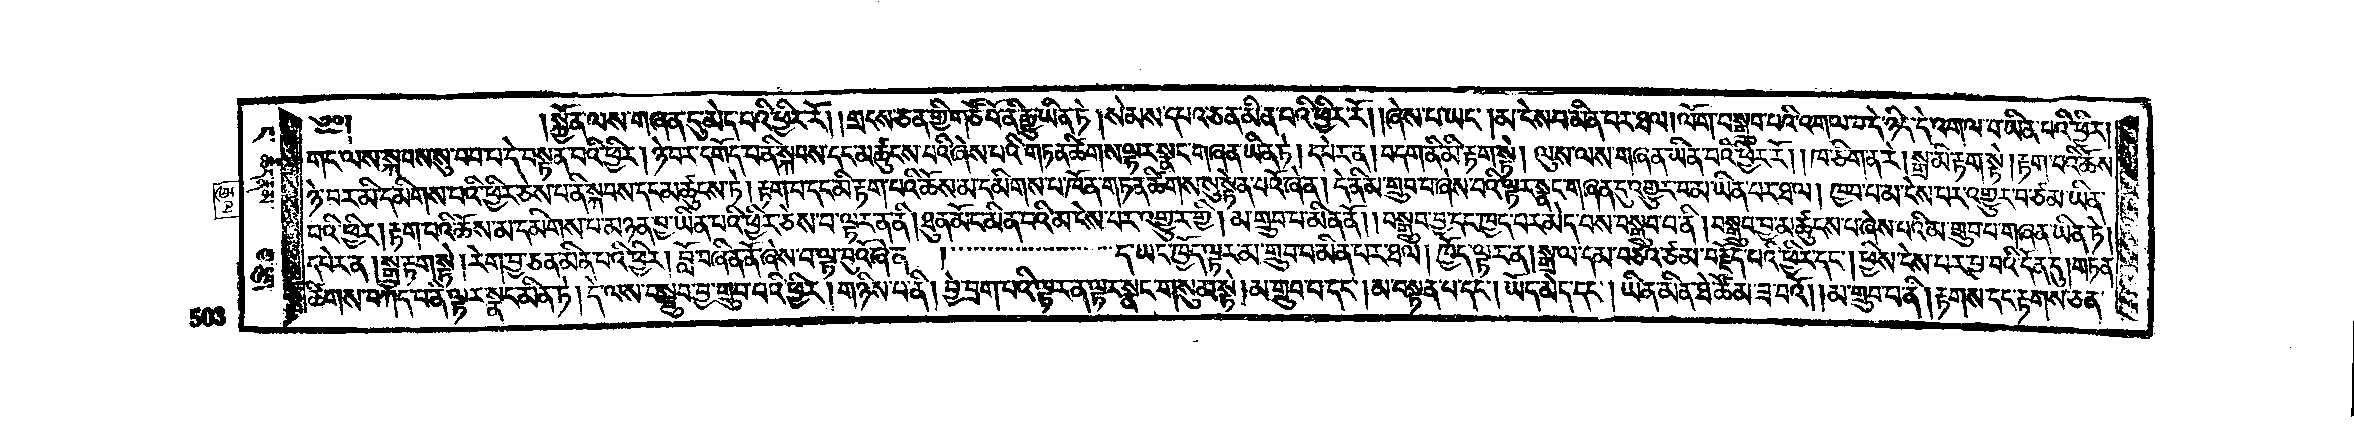༄༅། །སྐྱོན་ལས་གཞན་དུ་མེ་དཔའི་ཕྱིར་རོ། །གྲངས་ཅན་གྱི་གཙོ་བོ་ནི་རྒྱུ་ཡིན་ཏེ། སེམས་དཔའ་ཅན་མིན་པའི་ཕྱིར་རོ། །ཞེས་པ་ཡང་། མ་ངེས་པ་མིན་པར་ཐལ། ལོག་བསྒྲུབ་པའི་འགལ་བ་དེ་ཉིད་དེ་འགལ་བ་ཡིན་པའི་ཕྱིར། །
གང་ལས་སྐབས་སུ་བབ་པ་དེ་བསྟན་པའི་ཕྱིར། ཉེ་བར་དགོད་པ་ནི་སྐབས་དང་མཚུངས་པའི་ཞེས་པའི་གཏན་ཚིགས་ལྟར་སྣང་གཞན་ཡིན་ཏེ། དཔེར་ན། བདག་ནི་མི་རྟག་སྟེ། ལུས་ལས་གཞན་ཡིན་པའི་ཕྱིར་རོ། །ཁ་ཅིག་ན་རེ། སྒྲ་མི་རྟག་སྟེ། རྟག་པའི་ཆོས་
ཉེ་བར་མི་དམིགས་པའི་ཕྱིར་ཅེས་པ་ནི་སྐབས་དང་མཚུངས་ཏེ། རྟག་པ་དང་མི་རྟག་པའི་ཆོས་མ་དམིགས་པ་ཁོ་ན་གཏན་ཚིགས་སུ་སྟེན་པའོ་ཞེ་ན། དེ་ནི་མ་གྲུབ་པ་ཞེས་པའི་ལྟར་སྣང་གཞན་དུ་འགྱུར་བ་མ་ཡིན་པར་ཐལ། ཁྱབ་པ་མ་ངེས་པར་འགྱུར་བ་ཙམ་ཡིན་
པའི་ཕྱིར། རྟག་པའི་ཆོས་མ་དམིགས་པ་མཉན་བྱ་ཡིན་པའི་ཕྱིར་ཅེས་པ་ལྟར་ན་ནི། ཐུན་མོང་མིན་པའི་མ་ངེས་པར་འགྱུར་གྱི་།མ་གྲུབ་པ་མིན་ནོ། །བསྒྲུབ་བྱ་དང་ཁྱད་པར་མེད་པས་བསྒྲུབ་པ་ནི། བསྒྲུབ་བྱ་མཚུངས་པ་ཞེས་པའི་མ་གྲུབ་པ་གཞན་ཡིན་ཏེ།
དཔེར་ན། སྒྲ་རྟག་སྟེ། རེག་བྱ་ཅན་མིན་པའི་ཕྱིར། བློ་བཞིན་ནོ་ཞེས་པ་ལྟ་བུའོ་ཞེ་ན། །དེ་ཡང་ཁྱོད་ལྟར་མ་གྲུབ་པ་མིན་པར་ཐལ། ཁྱོད་ལྟར་ན། སྒྲ་ལ་དམ་བཅའ་ཙམ་བརྗོད་པའི་ཕྱིར་དང་། ཕྱིས་ངེས་པར་བྱ་བའི་དོན་དུ། གཏན་
ཚིགས་བཀོད་པ་ནི་ལྟར་སྣང་མིན་ཏེ། དེ་ལས་བསྒྲུབ་བྱ་གྲུབ་པའི་ཕྱིར། གཉིས་པ་ནི། བྱེ་བྲག་པའི་ལྟར་ན་ལྟར་སྣང་གསུམ་སྟེ། མ་གྲུབ་པ་དང་། མ་བསྟན་པ་དང་། ཡོད་མེད་དང་། ཡིན་མིན་ཐེ་ཚོམ་ཟ་བའོ། །མ་གྲུབ་པ་ནི། རྟགས་དང་རྟགས་ཅན་